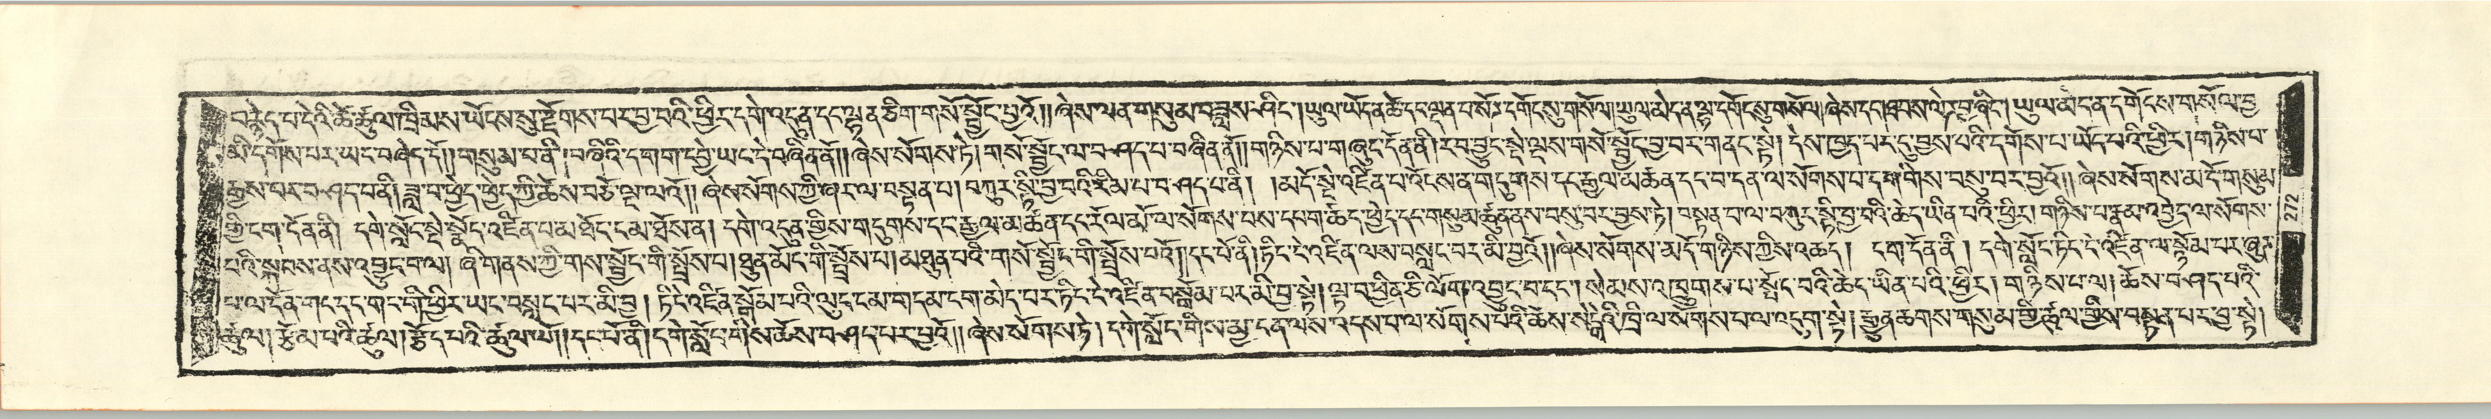བརྙེད་པ་དེའི་ཚེ་ཚུལ་ཁྲིམས་ཡོངས་སུ་རྫོགས་པར་བྱ་བའི་ཕྱིར་དགེ་འདུན་དང་ལྷན་ཅིག་གསོ་སྦྱོང་བྱའོ། །ཞེས་ལན་གསུམ་བཟླས་ཤིང་། ཡུལ་ཡོད་ན་ཚེ་དང་ལྡན་པ་སོགས་དགོངས་སུ་གསོལ། ཡུལ་མེད་ན་ལྷ་དགོངས་སུ་གསོལ། ཞེས་དང་། ཐབས་ལེགས་བྱ་ཞིང་། ཡུལ་མེད་ན་དགོངས་གསོལ་བྱ་
མི་དགོས་པར་ཡང་བཞེད་དོ། །གསུམ་པ་ནི། བཞིའི་དགག་དབྱེ་ཡང་དེ་བཞིན་ནོ། །ཞེས་སོགས་ཏེ། གསོ་སྦྱོང་ལ་བཤད་པ་བཞིན་ནོ། །གཉིས་པ་གཞུང་དོན་ནི། རབ་བྱུང་སྡེ་ལྔས་གསོ་སྦྱོང་བྱ་བར་གནང་སྟེ། དེས་ཁྱད་པར་དུ་བྱས་པའི་དགོས་པ་ཡོད་པའི་ཕྱིར། གཉིས་པ་
རྒྱས་པར་བཤད་པ་ནི། ཟླ་བ་ཕྱེད་ཕྱེད་ཀྱི་ཚེས་བཅོ་ལྔ་ལའོ། །ཞེས་སོགས་ཀྱི་ཞར་ལ་བསྟན་པ། བཀུར་སྟི་བྱ་བའི་རིམ་པ་བཤད་པ་ནི། །མདོ་སྡེ་འཛིན་པ་འོངས་ན་གདུགས་དང་རྒྱལ་མཚན་དང་བ་དན་ལ་སོགས་པ་དག་གིས་བསུ་བར་བྱའོ། །ཞེས་སོགས་མ་དོ་གསུམ་
གྱི་ངག་དོན་ནི། དགེ་སློང་སྡེ་སྣོད་འཛིན་པ་མཐོང་ངམ་ཐོས་ན། དགེ་འདུན་གྱིས་གདུགས་དང་རྒྱལ་མཚན་དང་རོལ་མོ་ལ་སོགས་པས་དཔག་ཚད་ཕྱེད་དང་གསུམ་ཚུན་ནས་བསུ་བར་བྱས་ཏེ། བསྟན་པ་ལ་བཀུར་སྟི་བྱ་བའི་ཆེད་ཡིན་པའི་ཕྱིར། གཉིས་པ་རྣམ་འབྱེད་ལ་སོགས་
པའི་སྐབས་ནས་འབྱུང་བ་ལ། ཞི་གནས་ཀྱི་གས་སྦྱོང་གི་སྤྲོས་པ། ཐུན་མོང་གི་སྤྲོས་པ། མཐུན་པའི་གསོ་སྦྱོང་གི་སྤྲོས་པའོ། །དང་པོ་ནི། ཏིང་ངེ་འཛིན་ལས་བསླང་བར་མི་བྱའོ། །ཞེས་སོགས་མདོ་གཉིས་ཀྱིས་འཆད། ངག་དོན་ནི། དགེ་སློང་ཏིང་ངེ་འཛིན་ལ་སྙོམ་པར་ཞུགས་
པ་ལ་དོན་གང་དང་གང་གི་ཕྱིར་ཡང་བསླང་པར་མི་བྱ། ཏི་ངེ་འཛིན་སྒོམ་པའི་ལུང་ངམ་གདམ་ངག་མེད་པར་ཏིང་ངེ་འཛིན་བསྒོམ་པར་མི་བྱ་སྟེ། ལྟ་བ་ཕྱིན་ཅི་ལོག་འབྱུང་བ་དང་། སེམས་འཁྲུགས་པ་སྤོང་བའི་ཆེད་ཡིན་པའི་ཕྱིར། གཉིས་པ་ལ། ཆོས་བཤད་པའི་
ཚུལ། རྩོམ་པའི་ཚུལ། རྩོད་པའི་ཚུལ་ལོ། །དང་པོ་ནི། དགེ་སློང་གིས་ཆོས་བཤད་པར་བྱའོ། །ཞེས་སོགས་ཏེ། དགེ་སློང་གིས་མྱ་ངན་ལས་འདས་པ་ལ་སོགས་པའི་ཆོས་སེངྒེའི་ཁྲི་ལ་སོགས་པ་ལ་འདུག་སྟེ། རྒྱུན་ཆགས་གསུམ་གྱི་ཚུལ་གྱིས་བསྟན་པར་བྱ་སྟེ།